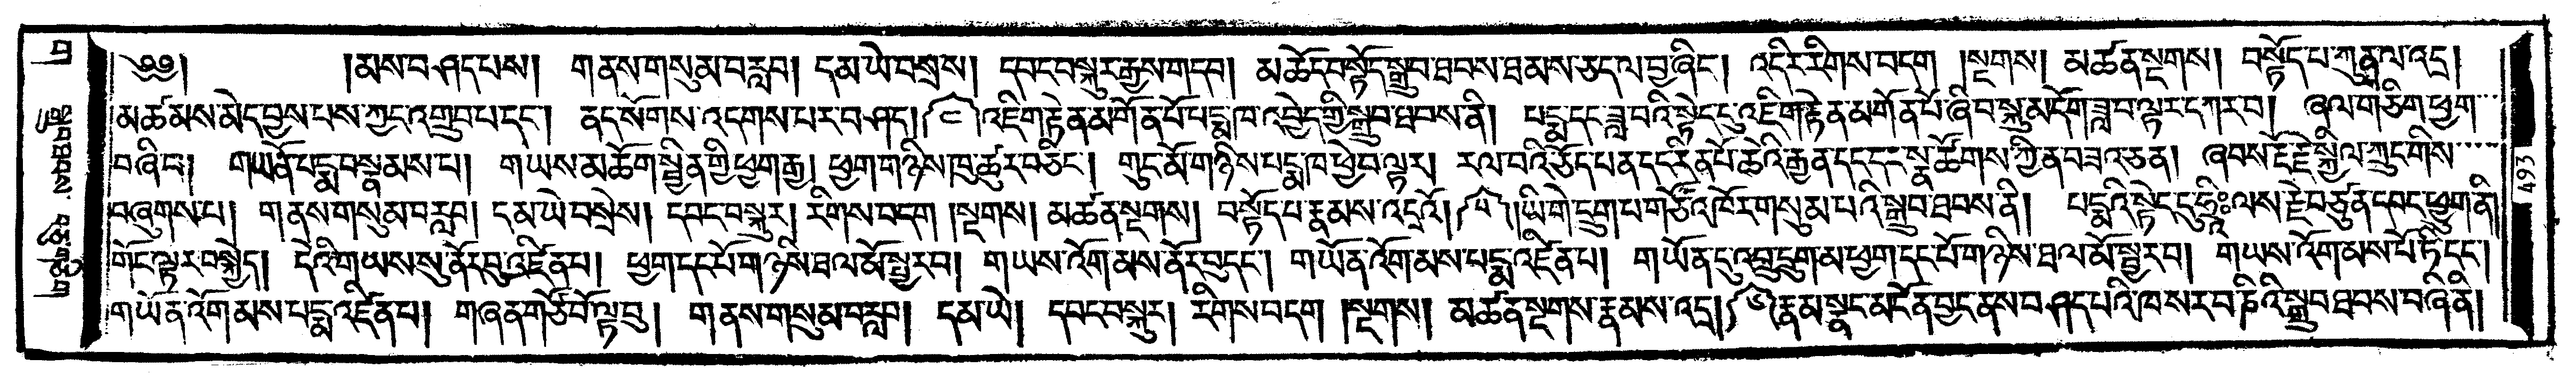༄༅། །མས་བཤད་པས། གནས་གསུམ་བརླབ། དམ་ཡེ་བསྲས། དབང་བསྐུར་རྒྱས་གདབ། མཆོད་བསྟོད་སྒྲུབ་ཐབས་ཐམས་ཅད་ལ་བྱ་ཞིང་། འདིར་རིགས་བདག །སྔགས། མཚན་སྔགས། བསྟོད་པ་ཀུན་ལ་འདྲ།
མཚམས་མེད་བྱས་པས་ཀྱང་འགྲུབ་པ་དང་། ནད་སོགས་འདགས་པར་བཤད། ༤?་འཇིག་རྟེན་མགོན་པོ་པདམ་ཁ་འབྱེད་གྱི་སྒྲུབ་ཐབས་ནི། པདམ་དང་ཟླ་བའི་སྟེང་དུ་འཇིག་རྟེན་མགོན་པོ་ཞི་བ་སྐུ་མདོག་ཟླ་བ་ལྟར་དཀར་བ། ཞལ་གཅིག་ཕྱག་
བཞི་པ། གཡོན་པདམ་བསྣམས་པ། གཡས་མཆོག་སྦྱིན་གྱི་ཕྱག་རྒྱ། ཕྱག་གཉིས་ཁུ་ཚུར་བཅིང་། གུང་མོ་གཉིས་པདམ་ཁ་ཕྱེ་བ་ལྟར། རལ་བའི་ཅོད་པན་དང་རིན་པོ་ཆེའི་རྒྱན་དང་དར་སྣ་ཚོགས་ཀྱི་ན་བཟའ་ཅན། ཞབས་རྡོ་རྗེ་སྐྱིལ་ཀྲུང་གིས་
བཞུགས་པ། གནས་གསུམ་བརླབ། དམ་ཡེ་བསྲེས། དབང་བསྐུར། རིགས་བདག །སྔགས། མཚན་སྔགས། བསྟོད་པ་རྣམས་འདྲའོ། ༥?་།ཡི་གེ་དྲུག་པ་གཙོ་འཁོར་གསུམ་པའི་སྒྲུབ་ཐབས་ནི། པདམའི་སྟེང་དུ་ཧྲཱིཿལས་རྗེ་བཙུན་དབང་ཕྱུག་ནི།
གོང་ལྟར་བསྐྱེད། དེའི་གཡས་སུ་ནོར་བུ་འཛིན་པ། ཕྱག་དང་པོ་གཉིས་ཐལ་མོ་སྦྱར་བ། གཡས་འོག་མས་ནོར་བུ་དང་། གཡོན་འོག་མས་པདམ་འཛིན་པ། གཡོན་དུ་འབྲུ་དྲུག་མ་ཕྱག་དང་པོ་གཉིས་ཐལ་མོ་སྦྱར་བ། གཡས་འོག་མས་པོ་ཏི་དང་།
གཡོན་འོག་མས་པདམ་འཛིན་པ། གཞན་གཙོ་བོ་ལྟ་བུ། གནས་གསུམ་བརླབ། དམ་ཡེ། དབང་བསྐུར། རིགས་བདག །སྔགས། མཚན་སྔགས་རྣམས་འདྲ། ༦?་རྣམ་སྣང་མངོན་བྱང་ནས་བཤད་པའི་ཁ་སར་བ་ཎིའི་སྒྲུབ་ཐབས་བཞི་ནི།